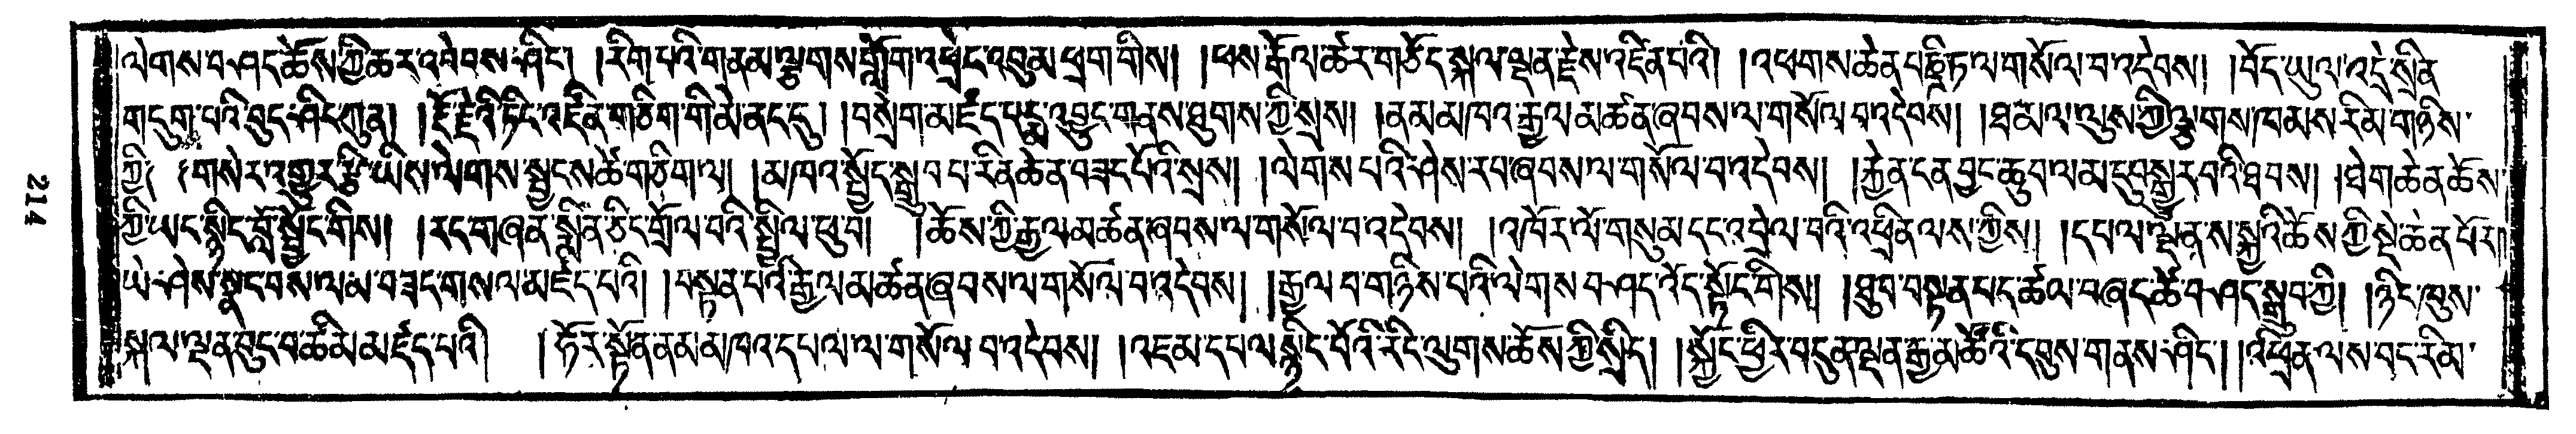ལེགས་བཤད་ཆོས་ཀྱི་ཆར་འབེབས་ཤིང་། །རིག་པའི་གནམ་ལྕགས་གློག་འཕྲེང་འབུམ་ཕྲག་གིས། །ཕས་རྒོལ་ཚར་གཅོད་སྐལ་ལྡན་རྗེས་འཛིན་པའི། །འཕགས་ཆེན་པཎྜི་ཏ་ལ་གསོལ་བ་འདེབས། །བོད་ཡུལ་འདྲེ་སྲིན་
གདུག་པའི་བུད་ཤིང་ཀུན། །རྡོ་རྗེའི་ཏིང་འཛིན་གཅིག་གི་མེ་ནང་དུ། །བསྲེག་མཛད་པདམ་འབྱུང་གནས་ཐུགས་ཀྱི་སྲས། །ནམ་མཁའ་རྒྱལ་མཚན་ཞབས་ལ་གསོལ་བ་འདེབས། །ཐ་མལ་ལུས་ཀྱི་ལྕགས་ཁམས་རིམ་གཉིས་
ཀྱི༑ ༑གསེར་འགྱུར་རྩི་ཡིས་ལེགས་སྦྱངས་ཚེ་གཅིག་ལ། །མཁའ་སྤྱོད་སྒྲུབ་པ་རིན་ཆེན་བཟང་པོའི་སྲས། །ལེགས་པའི་ཤེས་རབ་ཞབས་ལ་གསོལ་བ་འདེབས། །རྐྱེན་ངན་བྱང་ཆུབ་ལམ་དུ་བསྒྱུར་བའི་ཐབས། །ཐེག་ཆེན་ཆོས་
ཀྱི་ཡང་སྙིང་བློ་སྦྱོང་གིས། །རང་གཞན་སྨིན་ཅིང་གྲོལ་བའི་སྤྱིལ་ཕུ་བ། །ཆོས་ཀྱི་རྒྱལ་མཚན་ཞབས་ལ་གསོལ་བ་འདེབས། །འཁོར་ལོ་གསུམ་དང་འབྲེལ་བའི་འཕྲིན་ལས་ཀྱིས། །དཔལ་ལྡན་ས་སྐྱའི་ཆོས་ཀྱི་སྡེ་ཆེན་པོར།
ཡེ་ཤེས་སྣང་བས་ལམ་བཟད་གསལ་མཛད་པའི། །བསྟན་པའི་རྒྱལ་མཚན་ཞབས་ལ་གསོལ་བ་འདེབས། །རྒྱལ་བ་གཉིས་པའི་ལེགས་བཤད་འོད་སྟོང་གིས། །ཐུབ་བསྟན་པད་ཚལ་བཞད་ཚེ་བཤད་སྒྲུབ་ཀྱི། །ཉིང་ཁུས་
སྐལ་ལྡན་བུང་བ་ཚིམ་མཛད་པའི། །ཧོར་སྟོན་ནམ་མཁའ་དཔལ་ལ་གསོལ་བ་འདེབས། །འཇམ་དཔལ་སྙིང་བོའི་རིང་ལུགས་ཆོས་ཀྱི་སྲིད། །སྐྱོང་ཕྱིར་བདུན་ལྡན་རྒྱ་མཚོའི་དབུས་གནས་ཤིང་། །འཕྲིན་ལས་བང་རིམ་